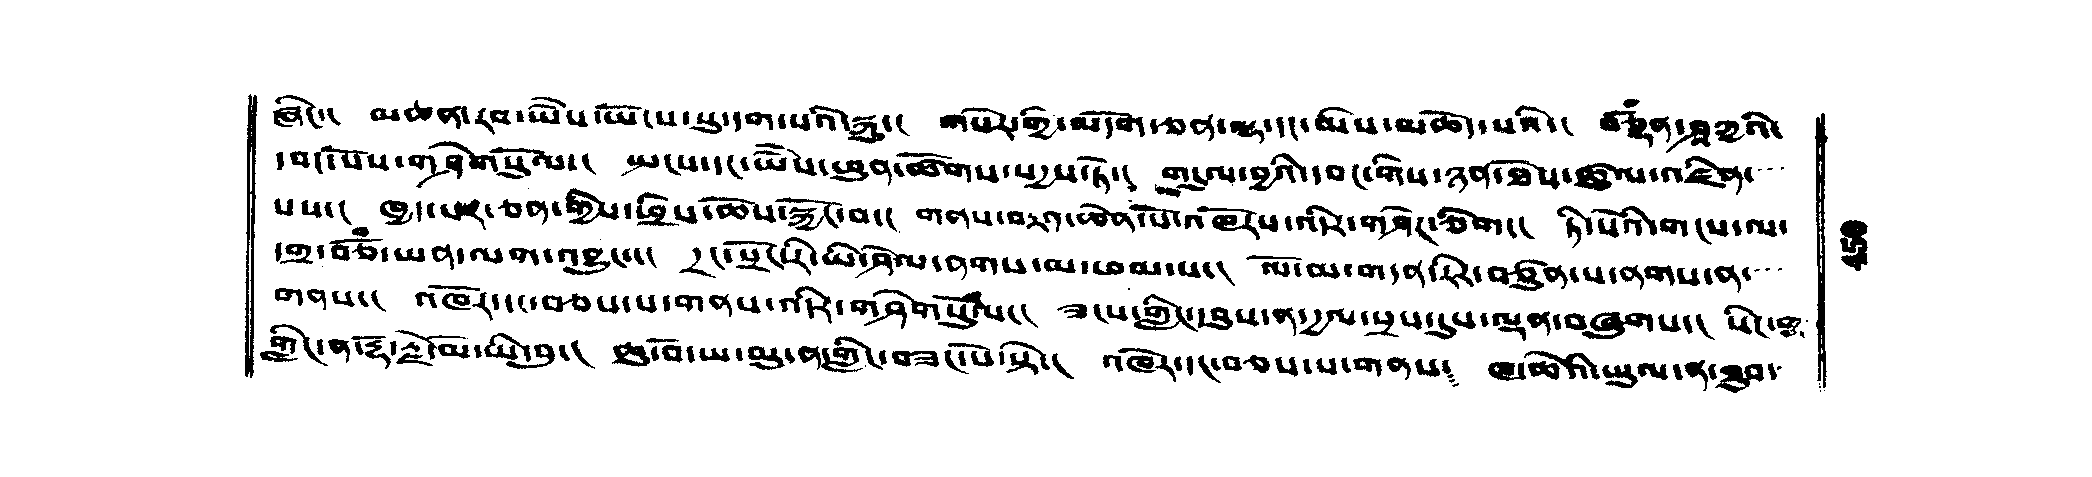ཞིང་། །མཁྱེན་རབ་ཡེ་ཤེས་ཡོངས་སུ་དག་པའི་སྐུ། །གསེར་གྱི་མདོག་ཅན་ལྷ་དང་མིས་མཆོད་པའི། །བཅོམ་ལྡན་ཤཱཀྱའི་
དབང་པོ་གཤེགས་སུ་གསོལ། །སྤངས་དང་ཡེ་ཤེས་ཕུན་ཚོགས་སངས་རྒྱས་ཏེ། །གདུལ་བྱའི་དབང་གིས་ཉན་ཐོས་ཚུལ་འཛིན་
པས། །ཁྱད་པར་ཅན་གྱིས་ཕྲིན་ལས་ཆོས་སྐྱོང་བ། །གནས་བརྟན་ཆེན་པོའི་འཁོར་བཅས་འདིར་གཤེགས་ཤིག །ཏི་སེའི་གངས་ལ་
དགྲ་བཅོམ་ཡན་ལག་འབྱུང་། །དྲང་སྲོང་རི་ཡི་ཤེལ་ནགས་མ་ཕམ་པ། །ལོ་མ་གདན་རིར་བཙུན་པ་ནགས་ན་
གནས། །འཁོར་དང་བཅས་པ་གནས་འདིར་གཤེགས་སུ་གསོལ། །ཟངས་གླིང་དབུས་ན་རྒྱལ་སྲས་དུས་ལྡན་བཞུགས། །སིངྒྷ་
གླིང་ན་རྡོ་རྗེ་མོ་ཡི་བུ། །ཆུ་བོ་ཡ་མུ་ན་གླིང་བཟང་པོ་སྟེ། །འཁོར་དངབཅས་པ་གནས་འདིར་གཤེགས་སུ་གསོལ། །ཁ་ཆེའི་ཡུལ་ན་ཐུབ་